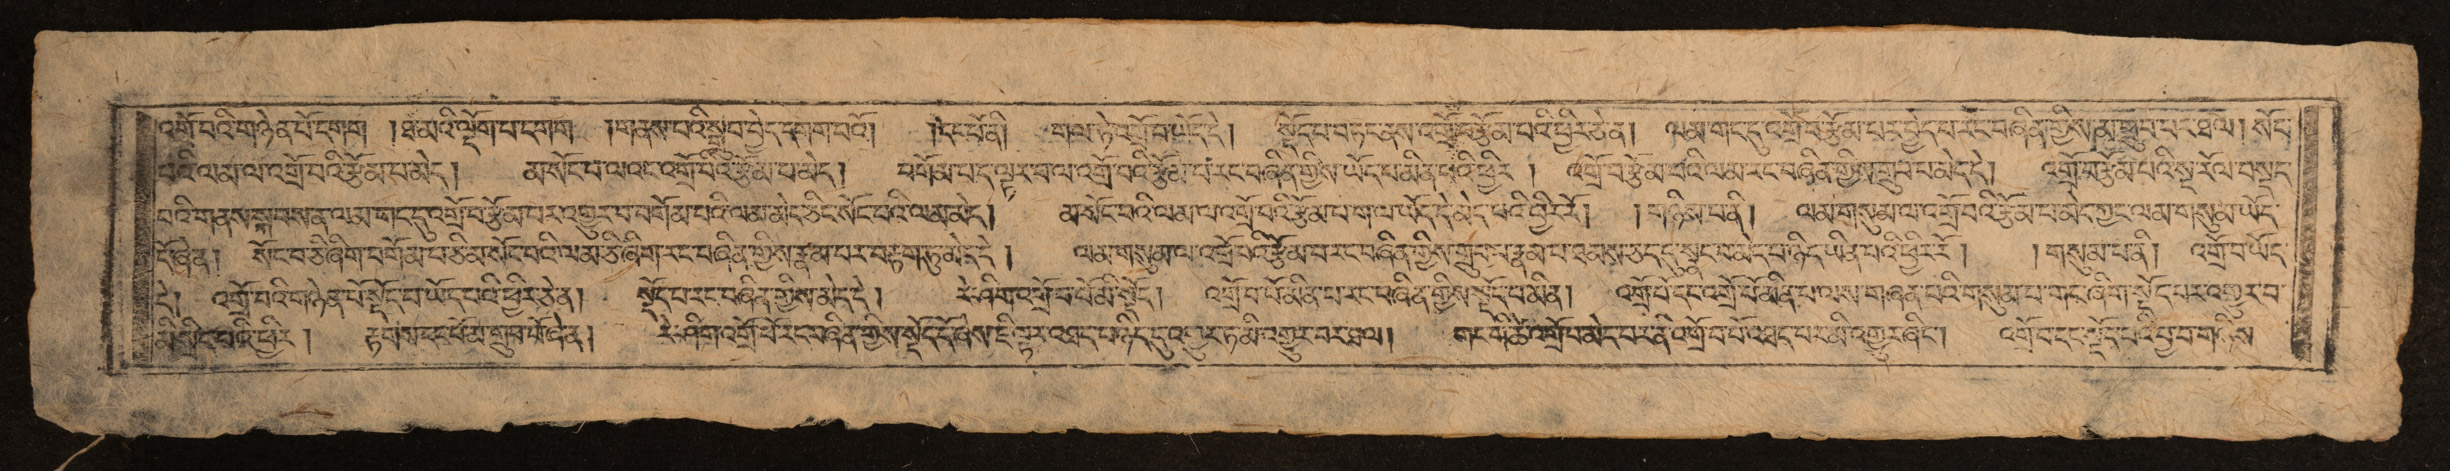འགྲོ་བའི་གཉེན་པོ་དགག །ཐ་མའི་ལྡོག་པ་དགག །གནས་པའི་སྒྲུབ་བྱེད་དགག་པའོ། །དང་པོ་ནི། གལ་ཏེ་འགྲོ་བ་ཡོད་དེ། སྡོད་པ་བཏང་ནས་འགྲོ་བ་རྩོམ་པའི་ཕྱིར་ཅེ་ན། ལམ་གང་དུ་འགྲོ་བ་རྩོམ་པར་བྱེད་པ་རང་བཞིན་གྱིས་མ་གྲུབ་པར་ཐེལ། སོང་
པའི་ལམ་ལ་འགྲོ་བའི་རྩོམ་པ་མེད། མ་སོང་བ་ལའང་འགྲོ་བའི་རྩོམ་པ་མེད། བགོམ་པ་ད་ལྟར་བ་ལ་འགྲོ་བའི་རྩོམ་པ་རང་བཞིན་གྱིས་ཡོད་པ་མིན་པའི་ཕྱིར། འགྲོ་བ་རྩོམ་པའི་ལམ་རང་བཞིན་གྱིས་གྲུབ་པ་མེད་དེ། འགྲོ་བརྩོམ་པའི་སྔ་རོལ་བསྡད་
པའི་གནས་སྐབས་ན་ལམ་གང་དུ་འགྲོ་བ་རྩོམ་པར་འགྱུར་བ་བགོམ་པའི་ལམ་མེད་ཅིང་སོང་བའི་ལམ་མེད། མ་སོང་བའི་ལམ་ལ་འགྲོ་བའི་རྩོམ་པ་ག་ལ་ཡོད་དེ་མེད་པའི་ཕྱིར་རོ། །གཉིས་པ་ནི། ལམ་གསུམ་ལ་འགྲོ་བའི་རྩོམ་པ་མེད་ཀྱང་ལམ་གསུམ་ཡོད་
དོ་ཞེ་ན། སོང་བ་ཅི་ཞིག་བགོམ་པ་ཅི་མ་སོང་བའི་ལམ་ཅི་ཞིག་རང་བཞིན་གྱིས་རྣམ་པར་བརྟག་ཏུ་མེད་དེ། ལམ་གསུམ་ལ་འགྲོ་བའི་རྩོམ་པ་རང་བཞིན་གྱིས་གྲུབ་པ་རྣམ་པ་ཐམས་ཅད་དུ་སྣང་བ་མེད་པ་ཉིད་ཡིན་པའི་ཕྱིར་རོ། །གསུམ་པ་ནི། འགྲོ་བ་ཡོད་
དེ། འགྲོ་བའི་གཉེན་པོ་སྡོད་པ་ཡོད་པའི་ཕྱིར་ཅེ་ན། སྡོད་པ་རང་བཞིན་གྱིས་མེད་དེ། རེ་ཤིག་འགྲོ་བ་པོ་མི་སྡོད། འགྲོ་བ་པོ་མིན་པ་རང་བཞིན་གྱིས་སྡོད་པ་མིན། འགྲོ་པོ་དང་འགྲོ་པོ་མིན་པ་ལས་གཞན་པའི་གསུམ་པ་གང་ཞིག་སྡོད་པར་འགྱུར་བ་
མི་སྲིད་པའི་ཕྱིར། རྟགས་དང་པོ་མ་གྲུབ་བོ་ཞེ་ན། རེ་ཤིག་འགྲོ་པོ་རང་བཞིན་གྱིས་སྡོད་དོ་ཞེས་ཇི་ལྟར་འཐད་པ་ཉིད་དུ་འགྱུར་ཏེ་མི་འགྱུར་བར་ཐལ། གང་གི་ཚེ་འགྲོ་བ་མེད་པར་ནི་འགྲོ་བ་པོ་འཐད་པར་མི་འགྱུར་ཞིང་། འགྲོ་བ་དང་སྡོང་བའི་བྱ་བ་གཉིས་